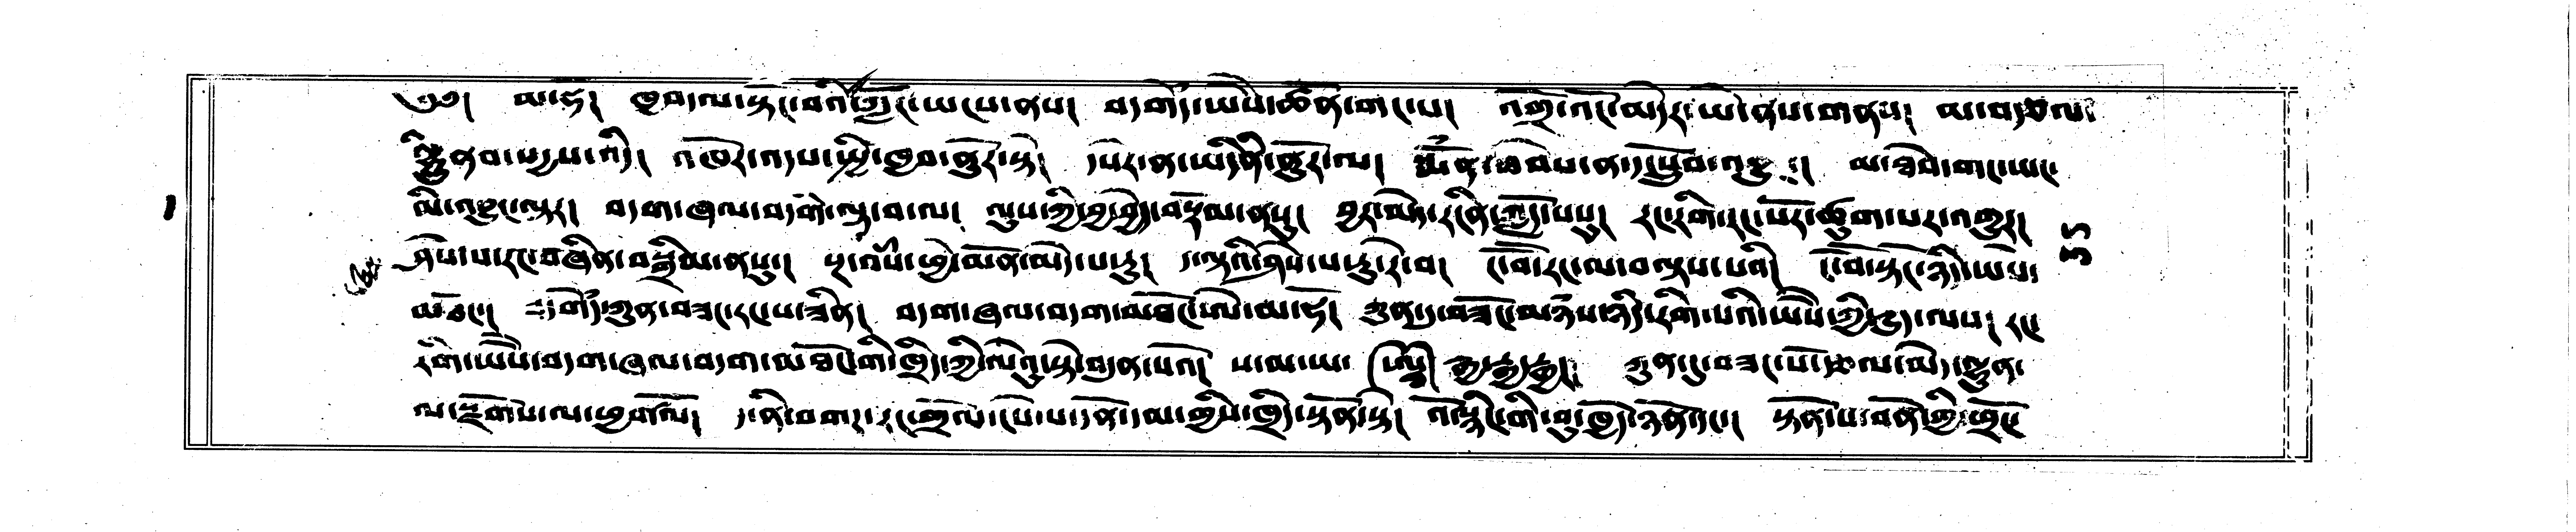མ་ཧོ། ཁྱབ་བདལ་སྟོང་པའི་ཀློང་ཡངས་ན། བདག་མེད་ཡེ་ཤེས་ཚོན་གང་པ། འགྲོ་འོང་མེད་པར་ཡེ་ནས་གནས། མ་བརྩལ་
ལྷུན་གྲུབ་སངས་རྒྱས་འདི། འཁོར་འདས་སྤྱི་ཁྱབ་ནོར་བུ་སྟེ། དཔེར་ན་ཡིད་བཞིན་ནོར་བུ་ལ། སྨོན་ལམ་ཐེབས་ན་དངོས་གྲུབ་འབྱུང་། མ་ཐེབས་གང་ཡང་
མི་འབྱུང་ལྟར། བདག་ཞལ་བདག་གིས་ལྟ་བ་ལ། ལུས་ཀྱི་བྱ་བྱེད་བསྡོམས་ནས་སུ། བྱར་མེད་རང་བཞིན་ཀློད་པས་སུ། རང་རིག་རང་སོར་ཚུགས་པར་འགྱུར། 
ཤེས་པ་རང་བཞིན་བསྒྲིམས་ནས་སུ། སྔ་བསམ་ཕྱི་མནོ་མེད་པ་རུ། ད་ལྟའི་ཤེས་པ་རུ་རེ་བ། ངོ་བོ་རང་ལ་བལྟས་པ་ཡི། ངོ་བོ་སྟོང་ཉིད་ཡེ་ཤེས་
མཐོང་། བདག་མེད་ཀུན་བཟང་རང་ས་ཟིན། བདག་ཞལ་བདག་མཐོང་ཨེ་མ་ཧོ། ཀུན་ཏུ་བཟང་པོ་མཉམ་ཉིད་རིག་པའི་ཡེ་ཤེས་ཀྱི་རྒྱུད་ལས། རང་
རིག་ཡེ་ཤེས་བདག་ཞལ་བདག་མཐོང་གི་ཁྲིད་ཀྱི་ལེའུ་སྟེ་བདུན་པའོ། །ས་མ་ཡ། ༼ཨྠི༽རྒྱ་རྒྱ་རྒྱ། ཀུན་ཏུ་བཟང་པོ་བརྩལ་མེད་ལྷུན་
ལ་རྫོགས་ལ་ཕྱག་འཚལ་ལོ། ད་ནི་བག་ཆགས་རང་གྲོལ་ངེས་པ་དོན་དམ་གྱི་ཁྲིད་སྟོན་ཏེ། འོ་སྙིང་གི་བུ་ཁྱོད་ཉོན་དང་། སྟོན་པ་བོན་གྱི་ཕོ་བྲང་